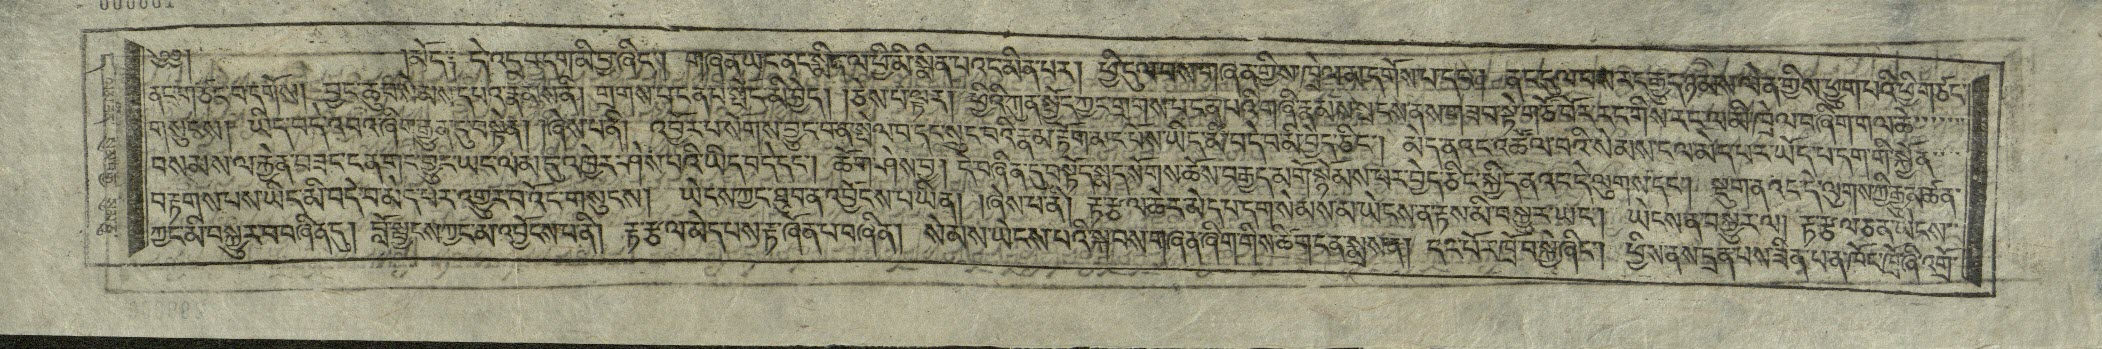༄༅། །མོད༑ དེ་འདྲ་བ་དག་མི་བྱ་ཞིང་། གཞན་ཡང་ནང་སྨིན་ལ་ཕྱི་མི་སྨིན་པའང་མིན་པར། ཕྱི་དུལ་བས་གཞན་གྱིས་ཁྲེལ་མ་དགོས་པ་དང་། ནང་དུལ་བས་རང་རྒྱུད་ཉམས་ལེན་གྱིས་ཕྱུག་པའི་ཕྱི་གཙང་
ནང་གཙང་བ་དགོས། བྱང་ཆུབ་སེམས་དཔའ་རྣམས་ནི། གྲགས་པ་ངན་པ་སྤོང་མི་བྱེད། །ཅེས་པ་ལྟར། ཕྱིའི་ཀུན་སྤྱོད་ཀྱང་གྲགས་པ་ངན་པའི་གཞི་རྣམས་སྤངས་ནས་གཟབ་སྟེ་གཙོ་བོར་རང་གིས་རང་ལ་མི་ཁྲེལ་བ་ཞིག་གལ་ཆེ་
གསུངས། ཡིད་བདེ་འབའ་ཞིག་རྒྱུན་དུ་བསྟེན། །ཞེས་པ་ནི། འབྱོར་པ་སོགས་བྱུང་བ་ན་སྤེལ་བ་དང་སྲུང་བའི་རྣམ་རྟོག་མང་པོས་ཡིད་མི་བདེ་བ་མི་བྱེད་ཅིང་། མེད་ནའང་འཚོལ་བའི་སེམས་ངལ་མེད་པར་ཡོད་པ་དག་གི་སྐྱོན་
བསམས་ལ་རྐྱེན་བཟང་ངན་གང་བྱུང་ཡང་ལམ་དུ་འཁྱེར་ཤེས་པའི་ཡིད་བདེ་དང་། ཆོག་ཤེས་བྱ། དེ་བཞིན་དུ་བསྟོད་སྨད་སོགས་ཆོས་བརྒྱད་མགོ་སྙོམས་པར་བྱེད་ཅིང་སྐྱིད་ནའང་དེ་ལུགས་དང་། སྡུག་ནའང་དེ་ལུགས་ཀྱི་རྒྱུ་མཚན་
བརྟགས་པས་ཡིད་མི་བདེ་བ་མེད་པར་འགྱུར་བ་འོང་གསུངས། ཡེངས་ཀྱང་ཐུབ་ན་འབྱོངས་པ་ཡིན། །ཞེས་པ་ནི། རྟ་རྩལ་ཆེར་མེད་པ་དག་སེམས་མ་ཡེངས་ན་རྟས་མི་བསྐྱུར་ཡང་། ཡེངས་ན་བསྐྱུར་ལ། རྟ་རྩལ་ཅན་ཡེངས་
ཀྱང་མི་བསྐྱུར་བ་བཞིན་དུ། བློ་སྦྱངས་ཀྱང་མ་འབྱོངས་པ་ནི། རྟ་རྩལ་མེད་པས་རྟ་ཞོན་པ་བཞིན། སེམས་ཡེངས་པའི་སྐབས་གཞན་ཞིག་གིས་ཚིག་ངན་སྨྲས་ན། དང་པོར་ཁྲོ་བ་སྐྱེ་ཞིང་། ཕྱིས་ནས་དྲན་པས་ཟིན་པ་ན་ཁོང་ཁྲོ་ཞི་འགྲོ་